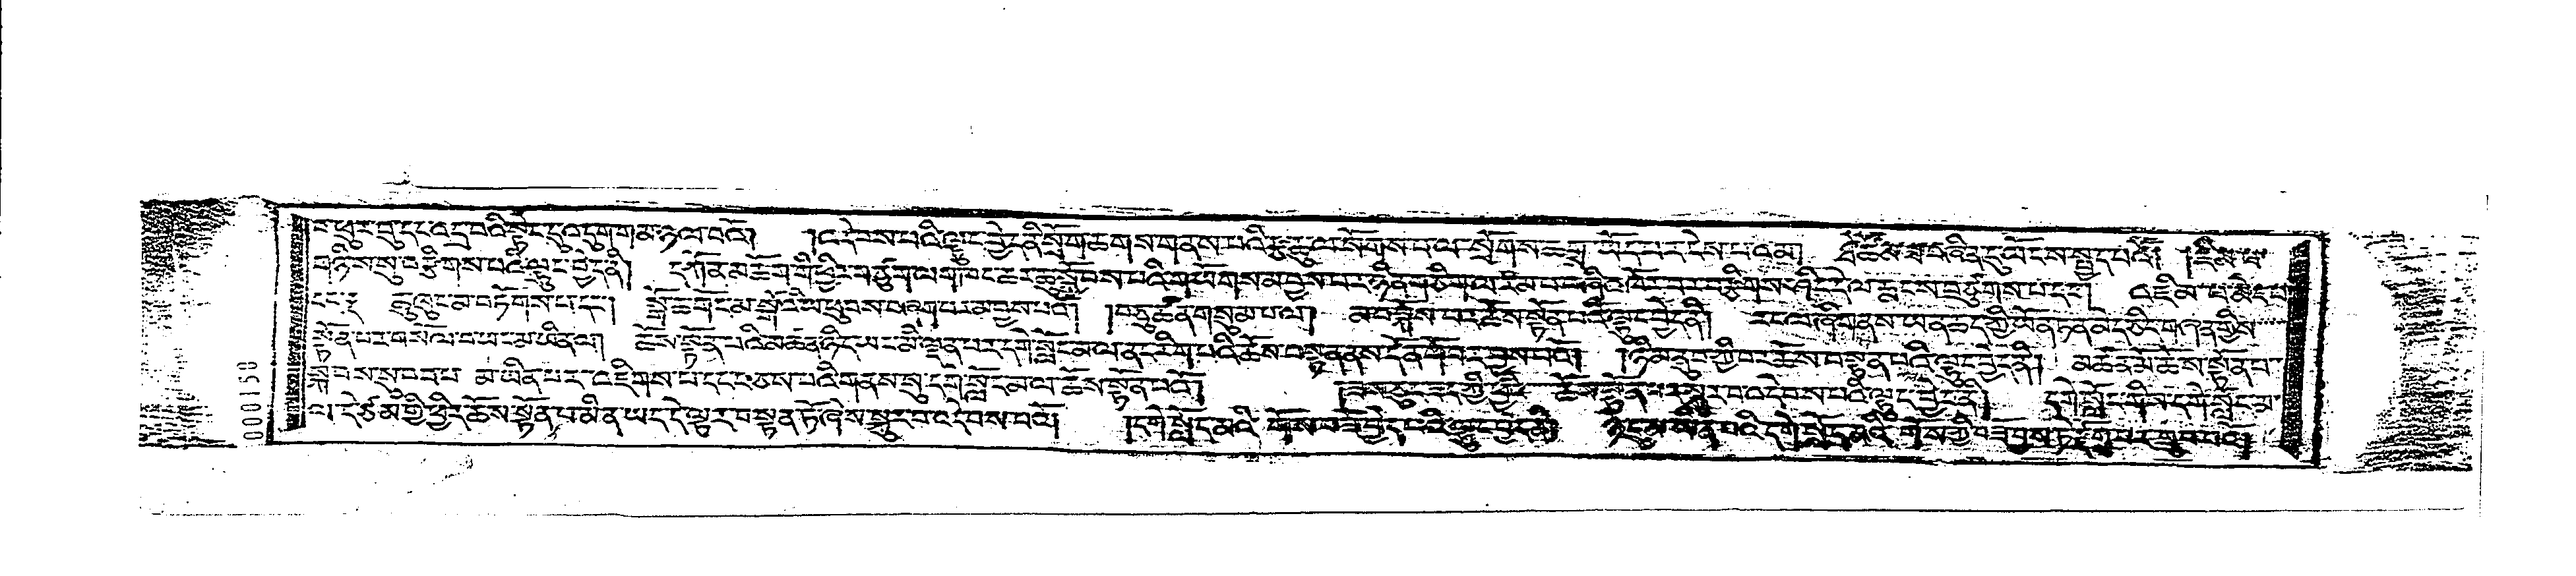བ་ཕུར་བུ་དང་འདྲ་བའི་སྟེང་དུ་འདུག་གམ་ཉལ་བའོ། །འདེབས་པའི་ལྟུང་བྱེད་ནི་སྲོག་ཆགས་གནས་པའི་རྩ་ཆུ་ལ་སོགས་པ་ལ་སྲོགས་ཆགས་ཡོད་པར་ངེས་པ་འམ། ཐེ་ཚོམ་ཟ་བཞིན་དུ་ལོངས་སྤྱད་པའོ། །རིམ་པ་
གཉིས་སུ་བརྩིགས་པའི་ལྟུང་བྱེད་ནི། དཀོན་མཆོག་གི་ཕྱིར་གཙུག་ལག་ཁང་ཆར་ཆུ་སྐྱོབས་པའི་གཡོགས་མ་བྱས་པར་ཉིན་གཅིག་ལ་རིམ་པ་བཞི་འཁོར་བར་བརྩིགས་ཤིང་དེ་ལ་རྨངས་བཙུགས་པ་དང་། འཇིམ་པ་མེད་པ་
དང༑ ཆུ་ཁུང་མ་བཏོགས་པ་དང་། སྒོ་ཆ་གོང་མ་སྒོའི་ཡ་ཕུབས་བཞག་པར་མ་བྱས་པའོ། །བཅུ་ཚན་གསུམ་པ་ལ། མ་བསྐོས་པར་ཆོས་སྟོན་པའི་ལྟུང་བྱེད་ནི། རང་ལ་ཞི་གནས་ཡན་ཆད་ཀྱི་ཡོན་ཏན་མེད་ཅིང་གཞན་གྱིས་
སྟོན་པར་གསོལ་བ་ཡང་མ་ཡིན་ལ། ཆོས་སྟོན་པའི་མཚན་ཉིད་ཡང་མི་ལྡན་པར་དགེ་སློང་མ་ལ་ནང་རིག་པའི་ཆོས་བསྟན་ནས་དོན་གོ་བར་བྱས་པའོ། །ཉི་མ་ནུབ་ཀྱི་བར་ཆོས་བསྟན་པའི་ལྟུང་བྱེད་ནི། མཚན་མོ་ཆོས་སྟོན་པ་
སྐབས་སུ་བབ་པ་མ་ཡིན་པར་འཇིགས་པ་དང་བཅས་པའི་གནས་སུ་དགེ་སློང་མ་ལ་ཆོས་སྟོན་པའོ། །ཟས་ཅུང་ཟད་ཀྱི་ཕྱིར་ཆོས་སྟོན་པར་སྐུར་བ་འདེབས་པའི་ལྟུང་བྱེད་ནི། དགེ་སློང་གིས་དགེ་སློང་མ་
ལ་དེ་ཙམ་གྱི་ཕྱིར་ཆོས་སྟོན་པ་མིན་ཡང་དེ་ལྟར་བསྟན་ཏོ་ཞེས་སྐུར་བ་འདེབས་པའོ། །དགེ་སློང་མའི་གོས་བཟོ་བྱེད་པའི་ལྟུང་བྱེད་ནི། ཉེ་དུ་མ་ཡིན་པའི་དགེ་སློང་མའི་གོས་ཀྱི་བཟོ་བྱས་ཏེ་རྫོགས་པར་གྲུབ་པའོ།